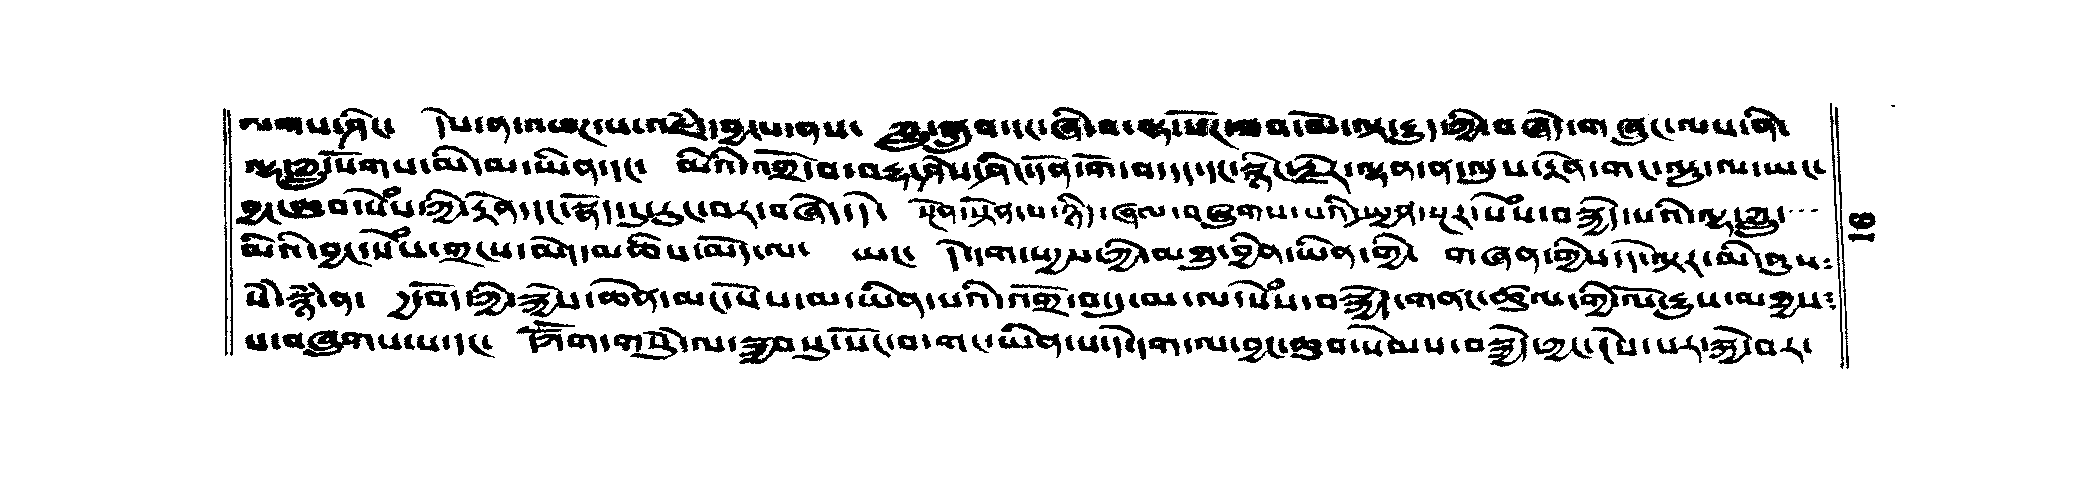ལགས་ཤིང་། དེས་ན་འཕགས་པ་འཇམ་དབྱངས་ནས། ཀླུ་སྒྲུབ་དང་ཞི་བ་ལྷ་སོགས་ཐབ་མོ་ལྟ་རྒྱུད་ཀྱི་བཞེད་གཞུང་ལས་ནི་
ལྷ་ཀླུ་སོགས་མེད་མ་ཡིན་དང་། མིའི་འགྲོ་བ་བརྡ་ཤེས་དོན་གོ་བ་དད་དང་སྙིག་རྗེར་ལྷན་ན་ལུས་རྟེན་གང་ལྟ་བུ་ལ་ཡང་
བྱང་ཆུབ་སེམས་ཀྱི་རྟེན་དང་སྣོད་དུ་རུང་བར་བཞེད་དེ། སྔོན་སྟོན་པ་ནིད་ཞལ་བཞུགས་པའི་སྤྱན་སྔར་སེམས་བསྐྱེད་པའི་ལྷ་ཀླུ་
མིའི་བྱང་སེམས་གྲངས་མེད་མཆིས་མོད་ལ། ཡང་། དེ་དག་སངས་རྒྱས་ཀྱི་མཐུ་བྱིན་ཡིན་གྱི། གཞན་གྱིས་དེ་ལྟར་མི་ནུས་
སམ་སྙམ་ན། རྒྱ་བོད་ཀྱི་སྐྱེས་ཆེན་མང་པོས་མ་ཡིན་པའི་འགྲོ་བ་དུ་མ་ལ་སེམས་བསྐྱོད་གནང་ཚུལ་གྱི་ལོ་རྒྱུས་མཐའ་ཡས་
པ་བཞུགས་པ་དང་། དཀོན་མཆོག་གསུམ་ལ་སྐྱབས་སུ་སོང་བ་གང་ཡིན་པ་དེ་དག་ལ་བྱང་ཆུབ་སེམས་བསྐྱེད་ཀྱང་ངེས་པར་སྐྱེ་བར་